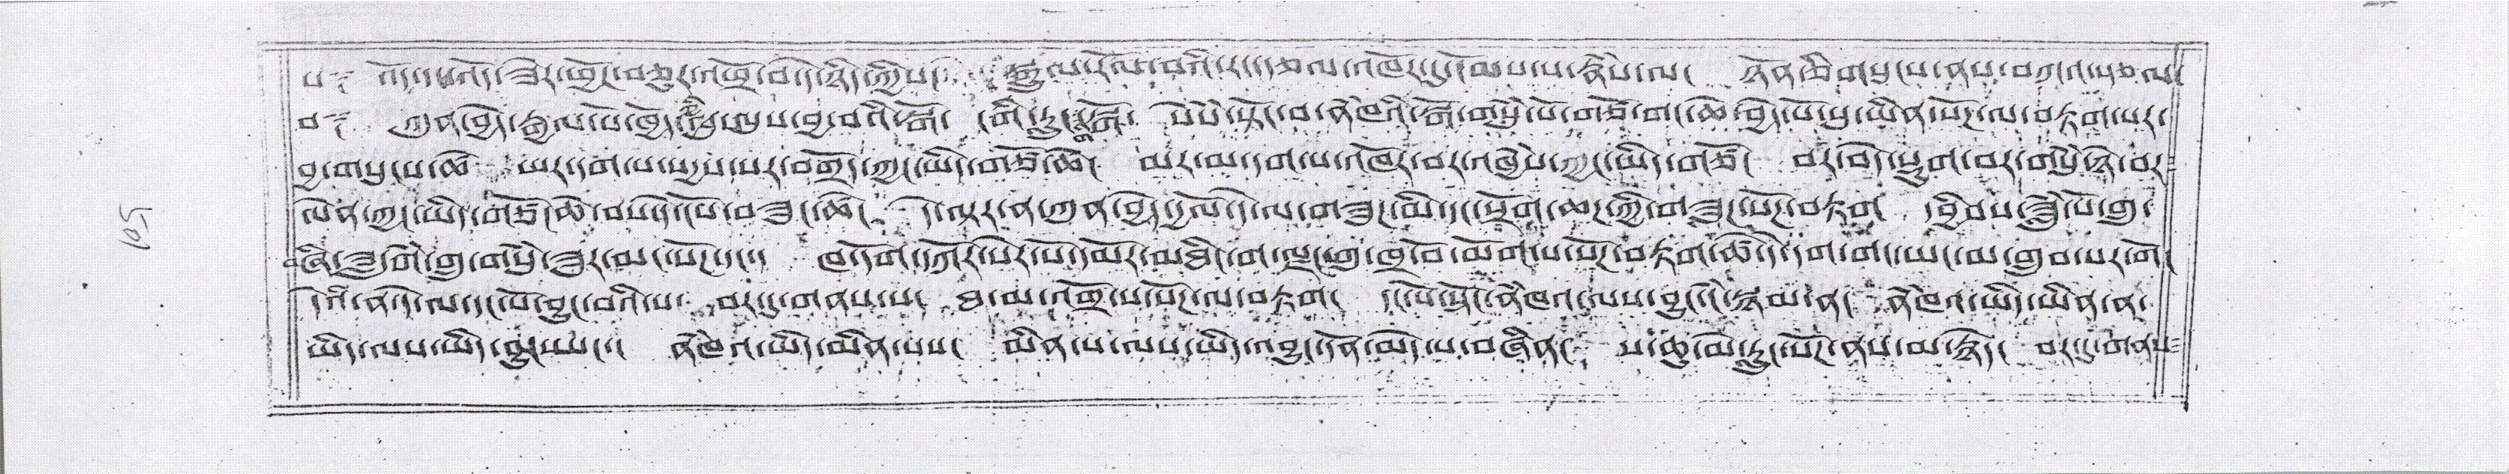པ་འོད་དང་འོད་ཟེར་ཕྱོགས་བཅུར་འཕྲོ་བ་དེ་ཉིད་ཀྱིས། སྒྱུ་འཕྲུལ་རོལ་པའི་རང་རྩལ་འཁོར་དུ་ངོམས་པ་རྣམས་ལ། ཉོན་ཅིག་གསུངས་ནས་བཀའ་སྩལ་
པ། ཀུན་བྱེད་རྒྱལ་པོ་ཁྱོད་ཀྱི་ལུས་བྱ་བའི་སྒོ། ངག་རླུང་གི་སྒོ། སེམས་སྟོང་པ་ནམ་མཁའི་སྒོ་གསུམ་པོ་གཙོ་གང་ཆེ་བྱེད་པོ་སུ་ཡིན་སོགས་ལ་བརྟག་པར་
བྱ་གསུངས་ཚེ། ཡར་དག་པ་སངས་རྒྱས་སར་བགྲོད་ཀྱང་ཡིད་གཙོ་ཆེ། མར་མ་དག་པ་འཁོར་བར་འཁྱམས་ཀྱང་ཡིད་གཙོ། བར་བདེ་སྡུག་བར་གསུམ་ཉེ་བར་
ལེན་ཀྱང་ཡིད་གཙོ་ཆེ་བས་དེ་ངོས་བཟུང་ཚེ། དེ་ལྟར་ན་ཀུན་བྱེད་རྒྱལ་པོ་དེ་ལ་གཟུགས་མི་དང་སྲོག་ཆགས་ཀྱི་གཟུགས་སོགས་བརྟག དབྱིབས་ཟླུམ་པོ་གྲུ་
བཞི་ཟླ་གམ་གྲུ་གསུམ་ཟུར་མང་སོགས་དང་། ཁ་དོག་དཀར་པོ་སེར་པོ་དམར་པོ་མཐིང་ག་ལྗང་གུ་ཁྲ་བོ་མོག་པ་སོགས་བརྟགས་ཚེ་དེ་དག་གང་ཡང་མ་གྲུབ་པ་གོ 
དེས་ན་དེ་ལ་དང་པོ་བྱུང་བའི་ས། བར་དུ་གནས་ས། ཐ་མ་འགྲོ་ས་སོགས་ལ་བརྟགས། དང་པོ་སྟོང་པ་ནམ་མཁའ་ལས་བྱུང་ངོ་སྙམ་ན། ནམ་མཁའ་ཡིད་ཡིན་ན་
ཡིད་ལས་ཡིད་བྱུང་ཡང་། ནམ་མཁའ་ཡིད་མིན་པས། མིན་པ་ལས་ཡིད་འབྱུང་དོན་མེད་པ་བཞིན། ས་ཆུ་མེ་རླུང་སོགས་ནས་མ་རྙེད། བར་དུ་གནས་